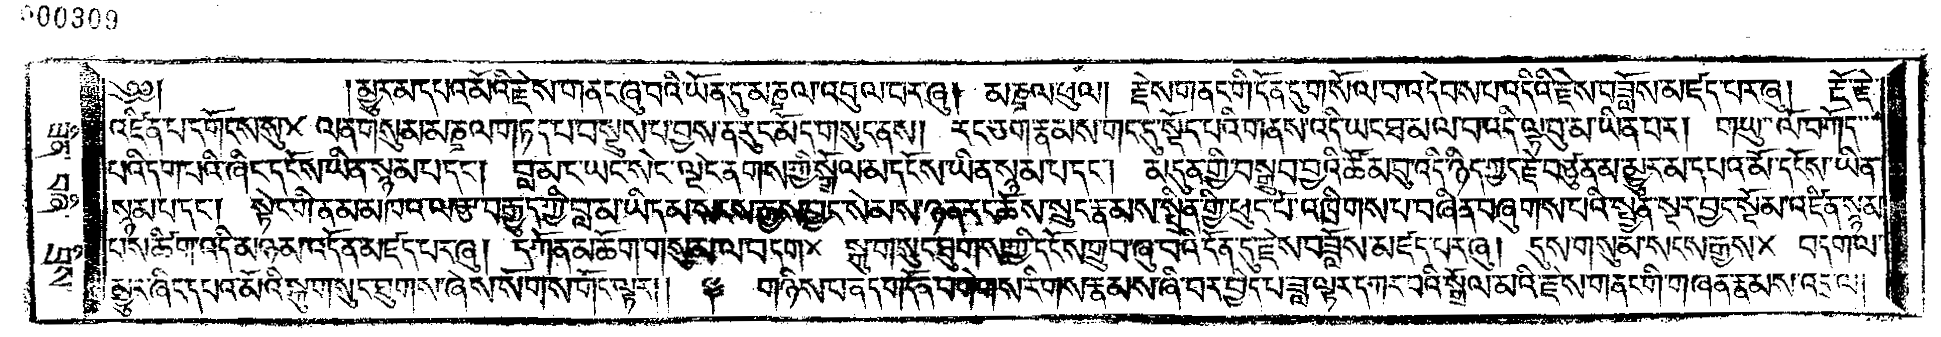༄༅། །མྱུར་མ་དཔའ་མོའི་རྗེས་གནང་ཞུ་བའི་ཡོན་དུ་མཎྜལ་འབུལ་བར་ཞུ། མཎྜལ་ཕུལ། རྗེས་གནང་གི་དོན་དུ་གསོལ་བ་འདེབས་པ་འདིའི་རྗེས་བཟློས་མཛད་པར་ཞུ། རྡོ་རྗེ་
འཛིན་པ་དགོངས་སུ་྾་ལན་གསུམ་མཎྜལ་གཏད་པ་བསྡུས་པ་བྱས་ན་རུང་མོད་གསུང་ནས། རང་ཅག་རྣམས་གང་དུ་སྡོད་པའི་གནས་འདི་ཡང་ཐ་མལ་པ་འདི་ལྟ་བུ་མ་ཡིན་པར། གཡུ་ལོ་བཀོད་
པའི་དག་པའི་ཞིང་དངོས་ཡིན་སྙམ་པ་དང་། བླ་མ་ང་ཡང་སེང་ལྡེང་ནགས་ཀྱི་སྒྲོལ་མ་དངོས་ཡིན་སྙམ་པ་དང་། མདུན་གྱི་བསྒྲུབ་བྱའི་ཚོམ་བུ་འདི་ཉིད་ཀྱང་རྗེ་བཙུན་མ་མྱུར་མ་དཔའ་མོ་དངོས་ཡིན་
སྙམ་པ་དང་། སྟེང་གི་ནམ་མཁའ་ལ་རྩ་བརྒྱུད་ཀྱི་བླ་མ་ཡི་དམ་སངས་རྒྱས་བྱང་སེམས་ཉན་རང་ཆོས་སྲུང་རྣམས་སྤྲིན་གྱི་ཕུང་པོ་འཁྲིགས་པ་བཞིན་བཞུགས་པའི་སྤྱན་སྔར་བྱང་སྡོམ་འཛིན་སྙམ་
པས་ཚིག་འདི་མཉམ་འདོན་མཛད་པར་ཞུ། དཀོན་མཆོག་གསུམ་ལ་བདག་྾་སྐུ་གསུང་ཐུགས་ཀྱི་དངོས་གྲུབ་ཞུ་བའི་དོན་དུ་རྗེས་བཟློས་མཛད་པར་ཞུ། དུས་གསུམ་སངས་རྒྱས་྾་བདག་ལ་
མྱུར་ཞིང་དཔའ་མོའི་སྐུ་གསུང་ཐུགས་ཞེས་སོགས་གོང་ལྟར།། ༈ གཉིས་པ་ནད་གདོན་བགེགས་རིགས་རྣམས་ཞི་བར་བྱེད་པ་ཟླ་ལྟར་དཀར་བའི་སྒྲོལ་མའི་རྗེས་གནང་གི་གཞན་རྣམས་འདྲ་ལ།